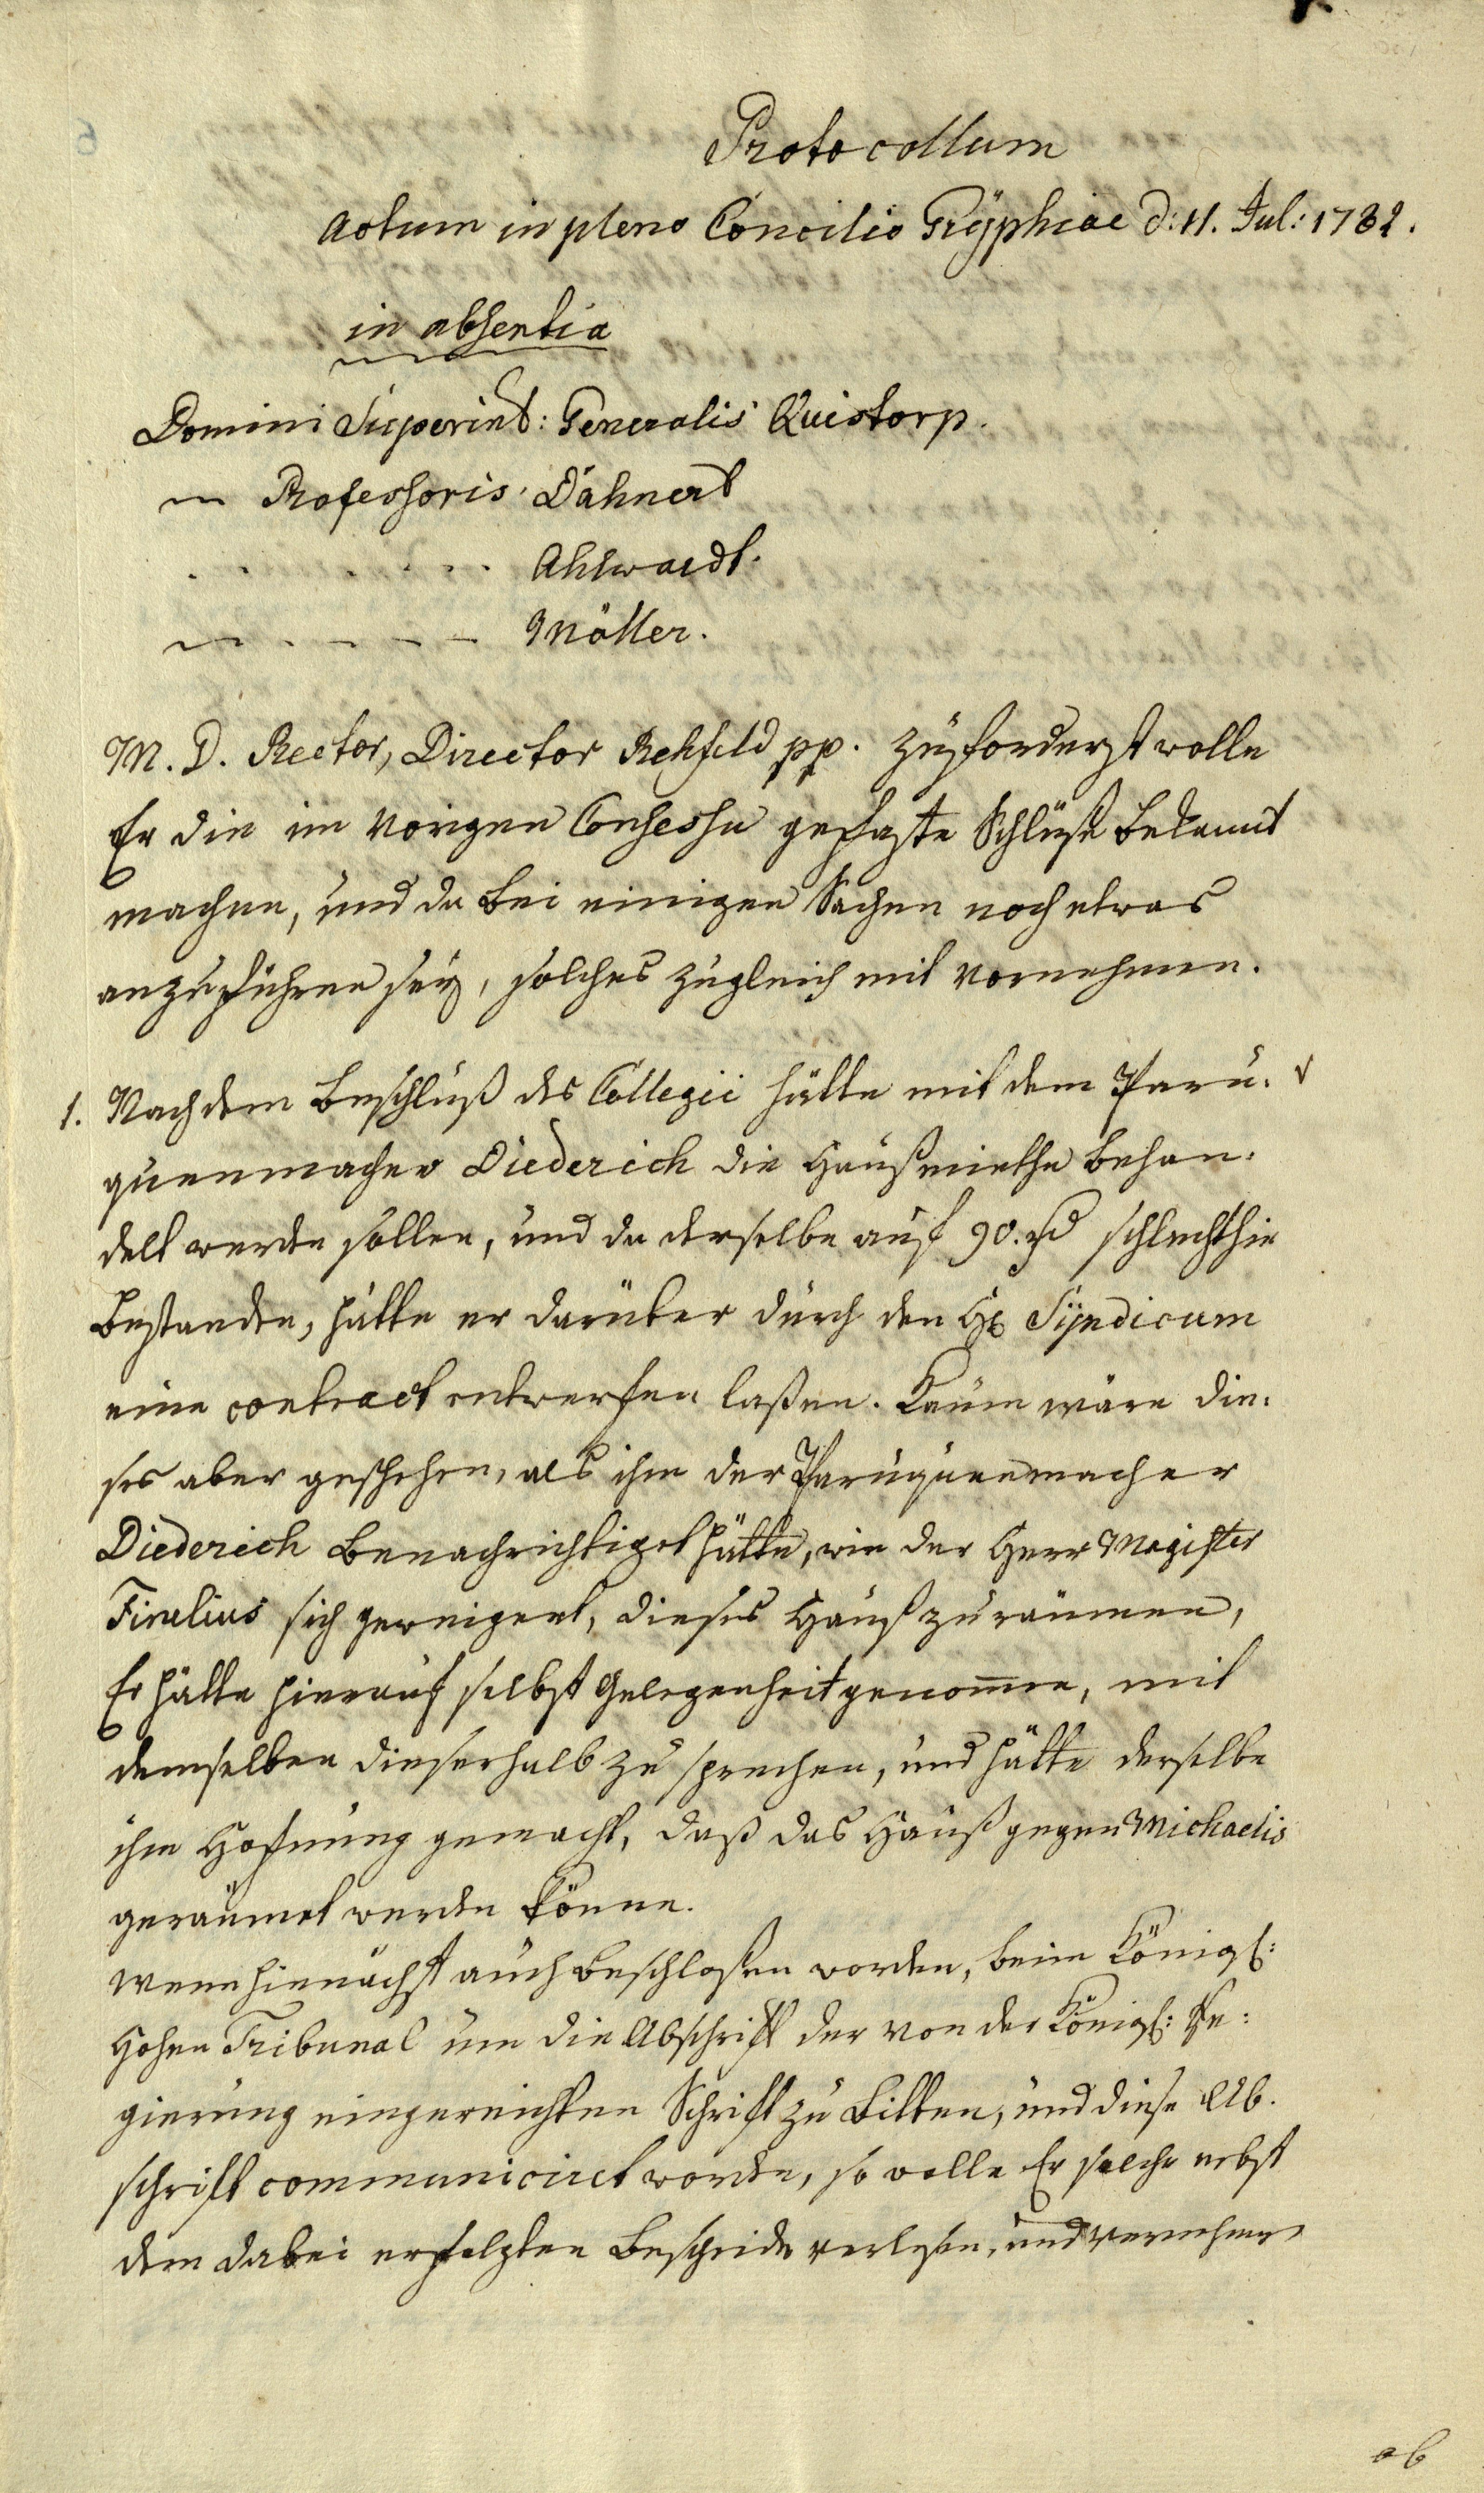Protocollum
Actum in pleno Concilio Gryphiae d. 11. Jul. 1782
in absentia
Domini Superint. Generalis Quistorp
Professoris Dähnert
Ahlwardt.
Möller.
M. D. Rector, Director Rehfeld pp. zuforderst wolle
Er die im vorigen Consessu gefaste Schlüße bekannt
machen, und da bei einigen Sachen noch etwas
anzuführen seÿ, solches zugleich mit vornehmen.
1. Nach dem Beschluß der Collegii hätte mit dem Paru¬
quenmacher Diederich die Haußmiethe behan¬
delt werden sollen, und da derselbe auf 90. r. schlechthin
bestanden, hätte er darüber durch den H. Sÿndicum
eine contract entwerfen laßen. Kaum wäre die¬
ses geschehen, als ihm der Paruquenmacher
Diederich benachrichtiget hätte, wie der Herr Magister
Finelius sich geweigert, dieses Hauß zu räumen,
Er hätte hierauf selbst Gelegenheit genomen, mit
demselben dieserhalb zu sprechen, und hätte derselbe
ihm Hofnung gemacht, daß das Hauß gegen Michaelis
geräumet werden könne.
Wenn hienächst auch beschlossen worden, beim Königl.
Hohen Tribunalum die Abschrift der von der Königl. Re¬
gierung eingereichten Schrift zu bitten, und diese Ab¬
schrift communiciret worden, so wolle Er solche nebst
dem dabei erfolgten Bescheide verlesen, und vernehmen